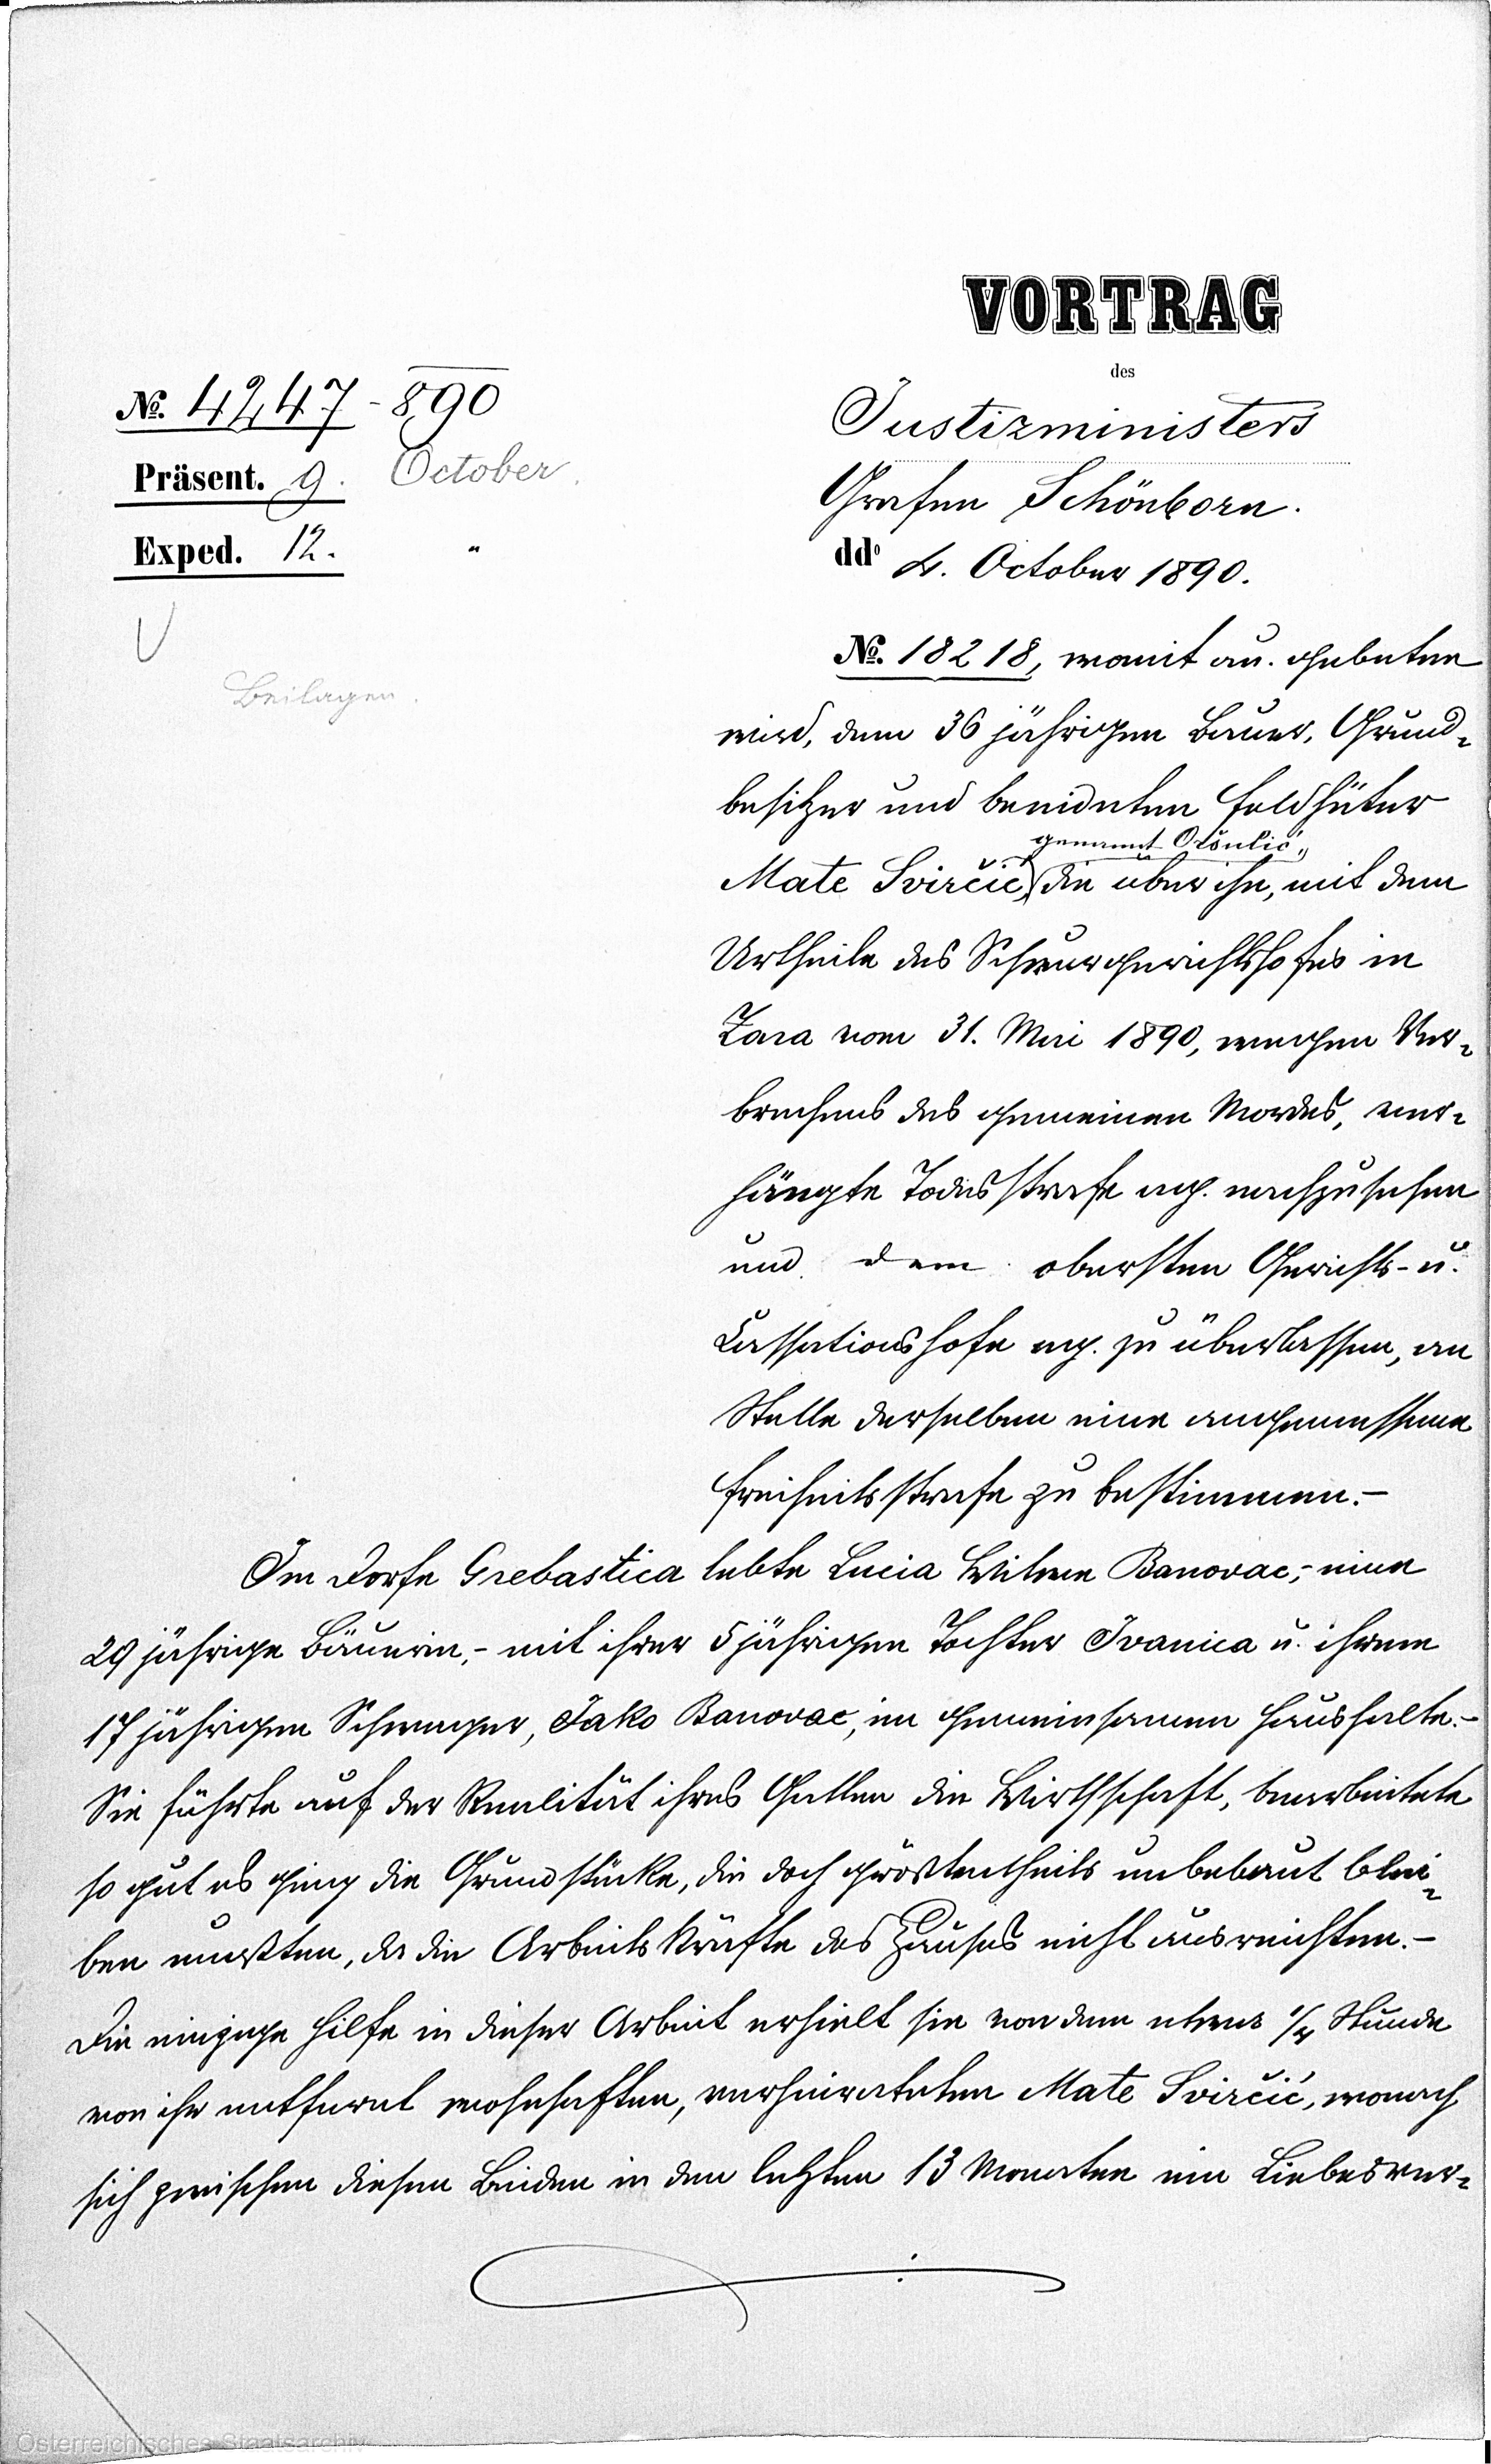N° 4247-890
Präsent. 9. October.
Exped. 12. October.
Beilagen.
VORTRAG
des
Justizministers
Grafen Schönborn.
dd° 4. October 1890.
N° 18218, womit au. gebeten
wird, dem 36 jährigen Bauer, Grund¬
besitzer und beeideten Feldhüter
genannt Oršulić,
Mate Svirčic, die über ihn, mit dem
Urtheile des Schwurgerichtshofes in
Zara vom 31. Mai 1890, wegen Ver¬
brechens des gemeinen Mordes, ver¬
hängte Todesstrafe ag. nachzusehen
und dem obersten Gerichts- u.
Cassationshofe ag. zu überlassen, an
Stelle derselben eine angemessene
Freiheitsstrafe zu bestimmen.-
Im Dorfe Grebsatica lebte Lucia Witwe Banovac,- eine
29 jährige Bäuerin,- mit ihrer 5 jährigen Tochter Ivanica u. ihrem
17 jährigen Schwager, Jako Banovac, im gemeinsamen haushalte.-
Sie führte auf der Realität ihres Gallen die Wirthschaft, bearbeitete
so gut es ging die Grundstücke, die doch größtentheils unbebaut blei¬
ben mußten, da die Arbeitskräfte des Hauses nicht ausreichten.-
Die einzige Hilfe in dieser Arbeit erhielt sie von dem etwa ¼ Stunde
von ihr entfernt wohnhaften, verheirateten Mate Svirčić, wonach
sich zwischen diesen Beiden in den letzten 13 Monaten ein Liebesver¬